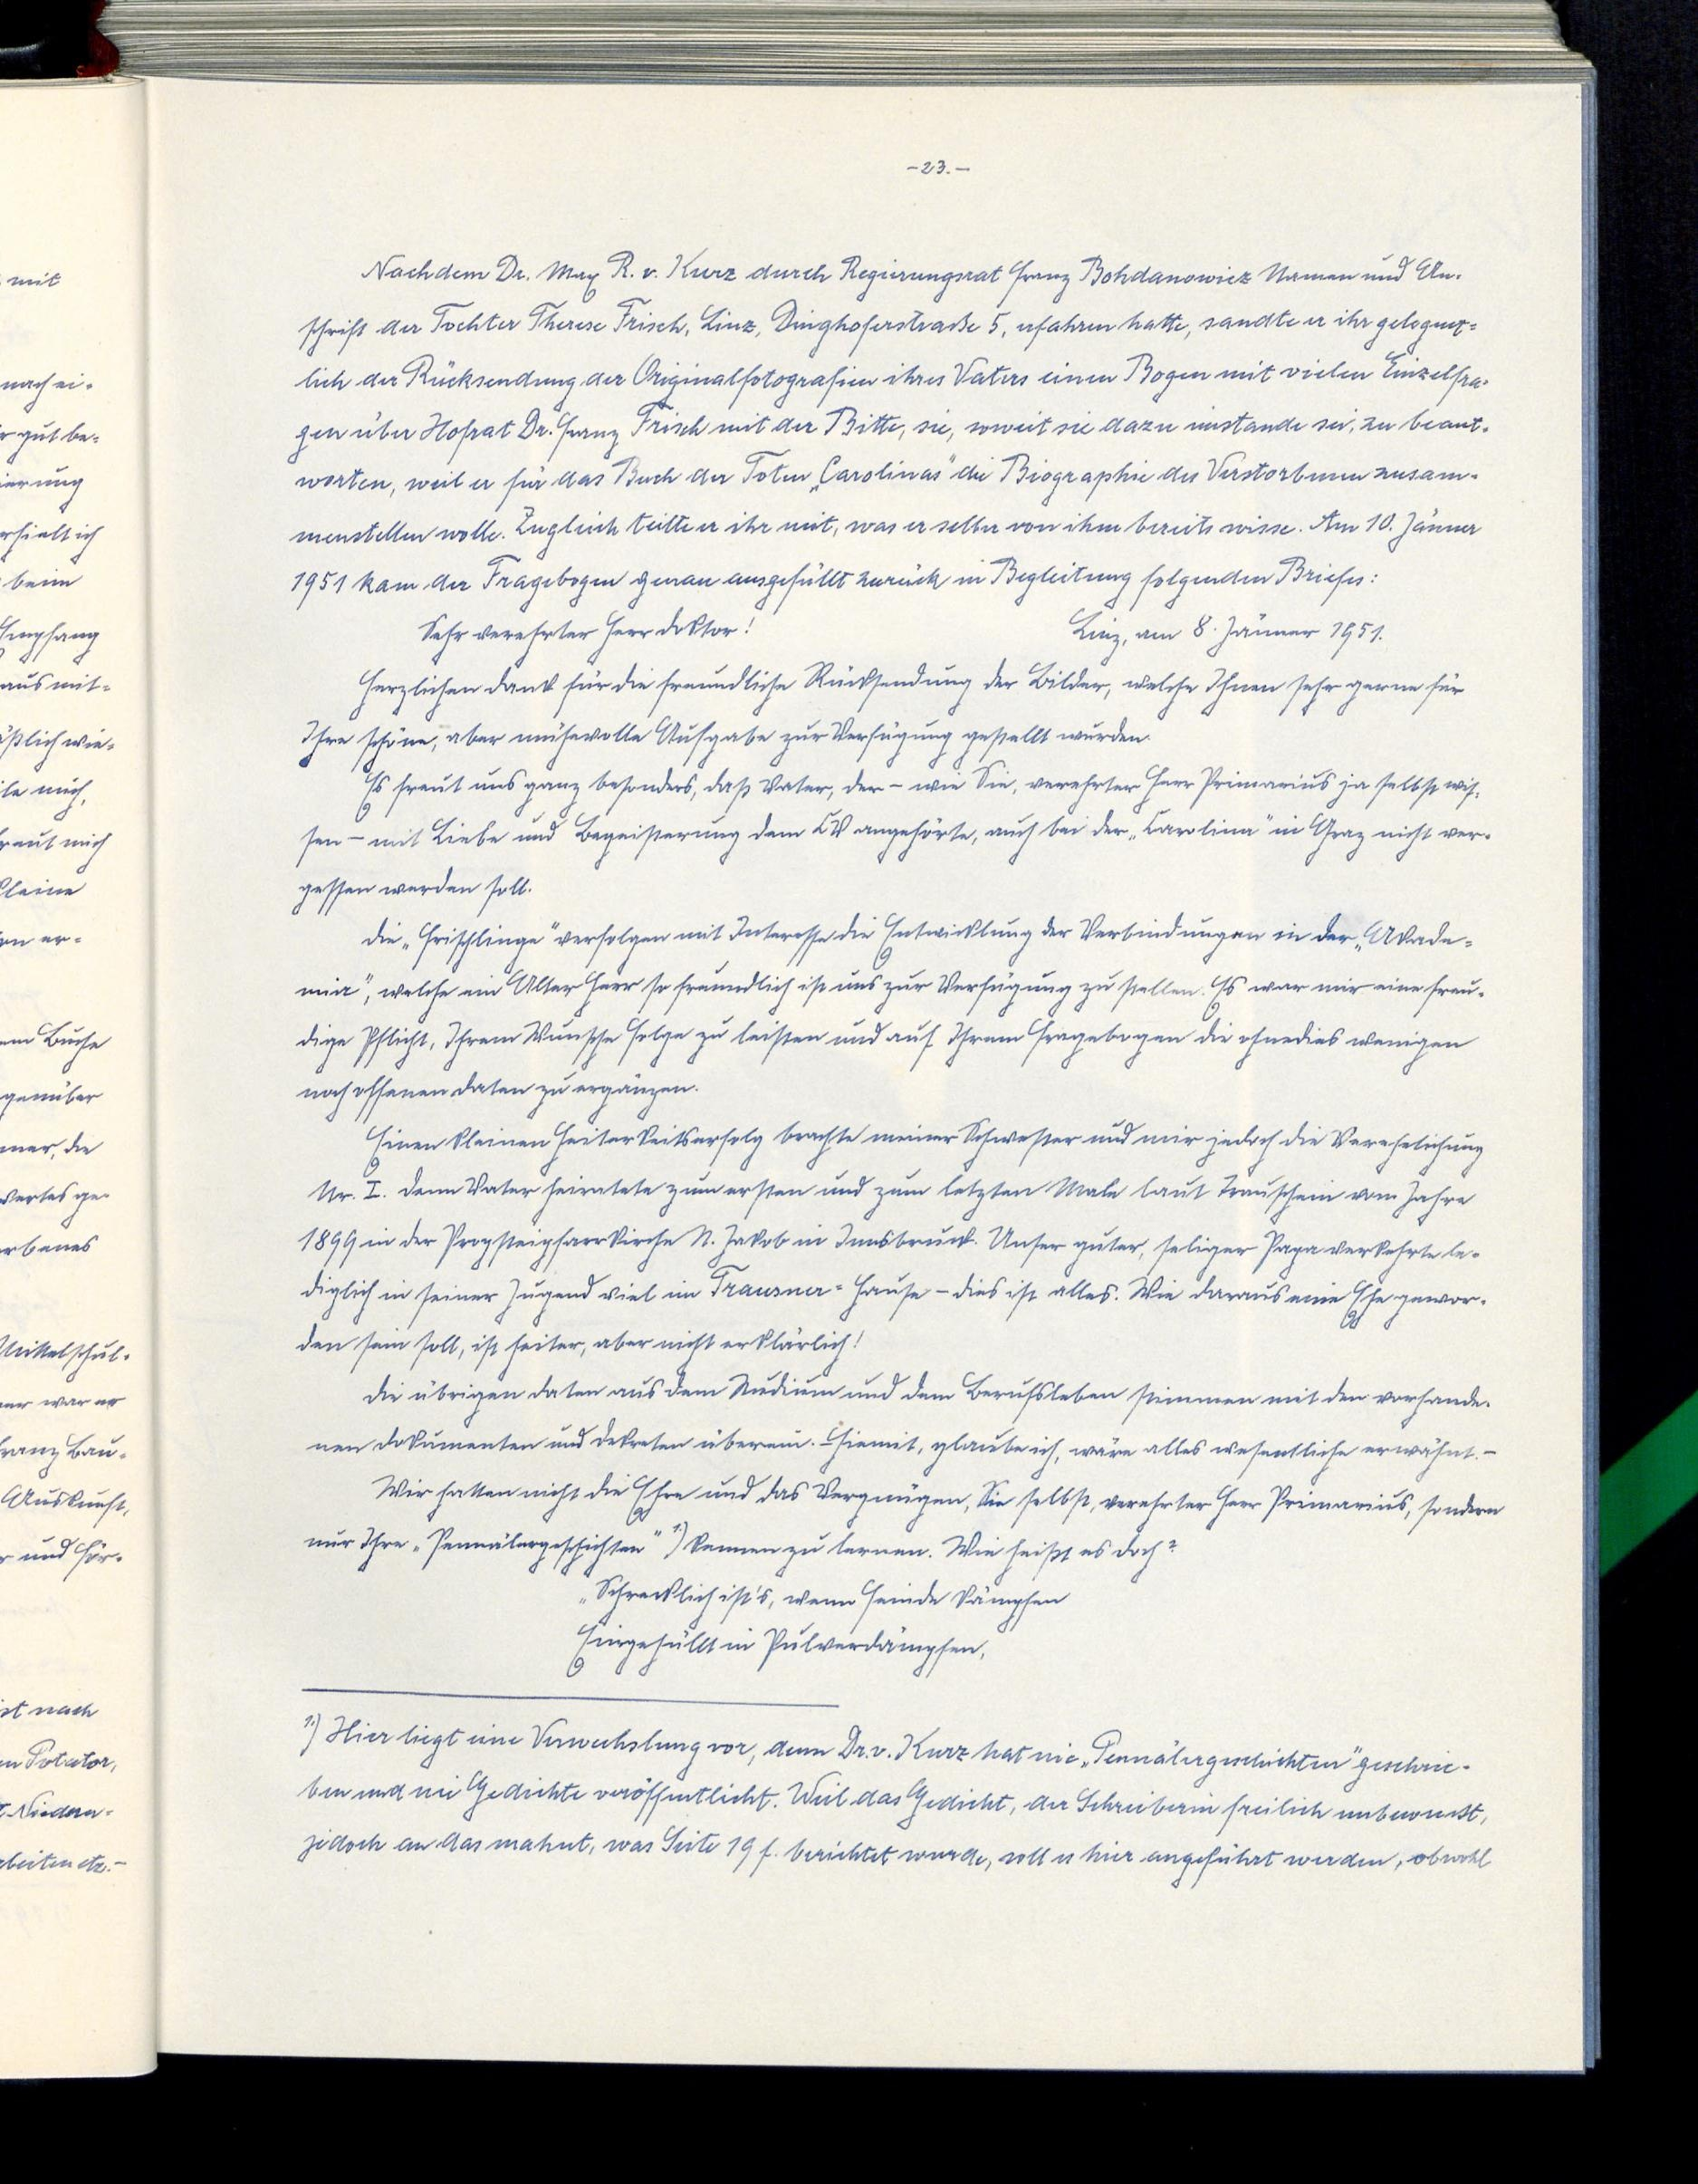23
Nachdem Dr. Max R. von Kurz durch Regierungsrat Franz Bohdanowicz Namen und An-
schrift der Tochter Therese Frisch, Linz, Dinghoferstraße 5, erfahren hatte, sandte er ihr gelegent-
lich der Rücksendung der Originalfotografieren ihres Vaters einen Bogen mit vielen Einzelfra-
gen über Hofrat Dr. Franz Frisch mit der Bitte, sie, soweit sie dazu imstande sei zu beant-
worten, weil er für das Buch der Toten „Carolinas“ die Biographie des Verstorbenen zusam
menstellen wolle. Zugleich teilte er mit, was er selber von ihm bereits wiesse. Am 10. Jänner
1951 kam der Fragebogen genau ausgefüllt zurück in Begleitung folgenden Briefes:
Sehr verehrter Herr Doktor!
Linz, am 8. Jänner 1951.
Herzlichen Dank für die freundliche Rücksendung der Bilder, welche Ihnen sehr gerne für
Ihre schöne, aber mühevolle Aufgaben zur Verfügung gestellt wurden.
Es freut uns ganz besonders, dass Vater, der-wie Sie, verehrter Herr Primarius ja selbst wis-
sen-mit Liebe und Begeisterung dem CV angehörte, auch bei der „Carolina2 in Graz nicht ver-
gessen werden soll.
Die „Frischlinge“ verfolgen mit Interesse die Entwicklung der Verbindungen in der „Akade-
mia“, der welche ein Alter Herr so freundlich ist uns zur Verfügung zu stellen. Es war mir eine freu-
dige Pflicht, Ihrem Wunsche Folge zu leisten und auf Ihrem Fragebogen die ohnedies wenigen
noch offenen Daten zu ergänzen.
Einen kleinen Heiterkeitserfolg brachte meiner Schwester und mir jedoch die Verehelichung
Nr. I. Denn Vater heiratete zum ersten und zum letzten Male laut Trauschein vom Jahre
1899 in der Propsteipfarrkirche St. Jakob in Innsbruck. Unser guter, seliger Papa verkehrte le-
diglich in seiner Jugend viel im Trausner-Hause - dies ist alles. Wie daraus eine Ehe gewor-
den sein soll ist heiter, aber nicht erklärlich!
Die übrigen Daten aus den Studium und dem Berufsleben stimmen mit den vorhande-
nen Dokumenten und Dekreten überein. Hiemit, glaube ich, werde alles wesentliche erwähnt.-
Wir hatten nicht die Ehre und das Vergnügen, Sie selbst, verehrter Herr Primarius, sondern
nur Ihre „Pennälergeschichten“ 1) kennen zu lernen. Wie heißt es doch?
„Schrecklich ist’s, wenn Feinde kämpfen
Eingehüllt in Pulverdämpfen,
1) Hier liegt eine Verwechslung vor, denn Dr. v. Kurz hat nie „Pennälergeschichten“ geschrie-
ben und nie Gedichte veröffentlicht. Weil das Gedicht, der Schreiberin freilich unbewusst,
jedoch an das mahnt, was Seite 19 f. berichtet wurde, soll es hier angeführt werden, obwohl